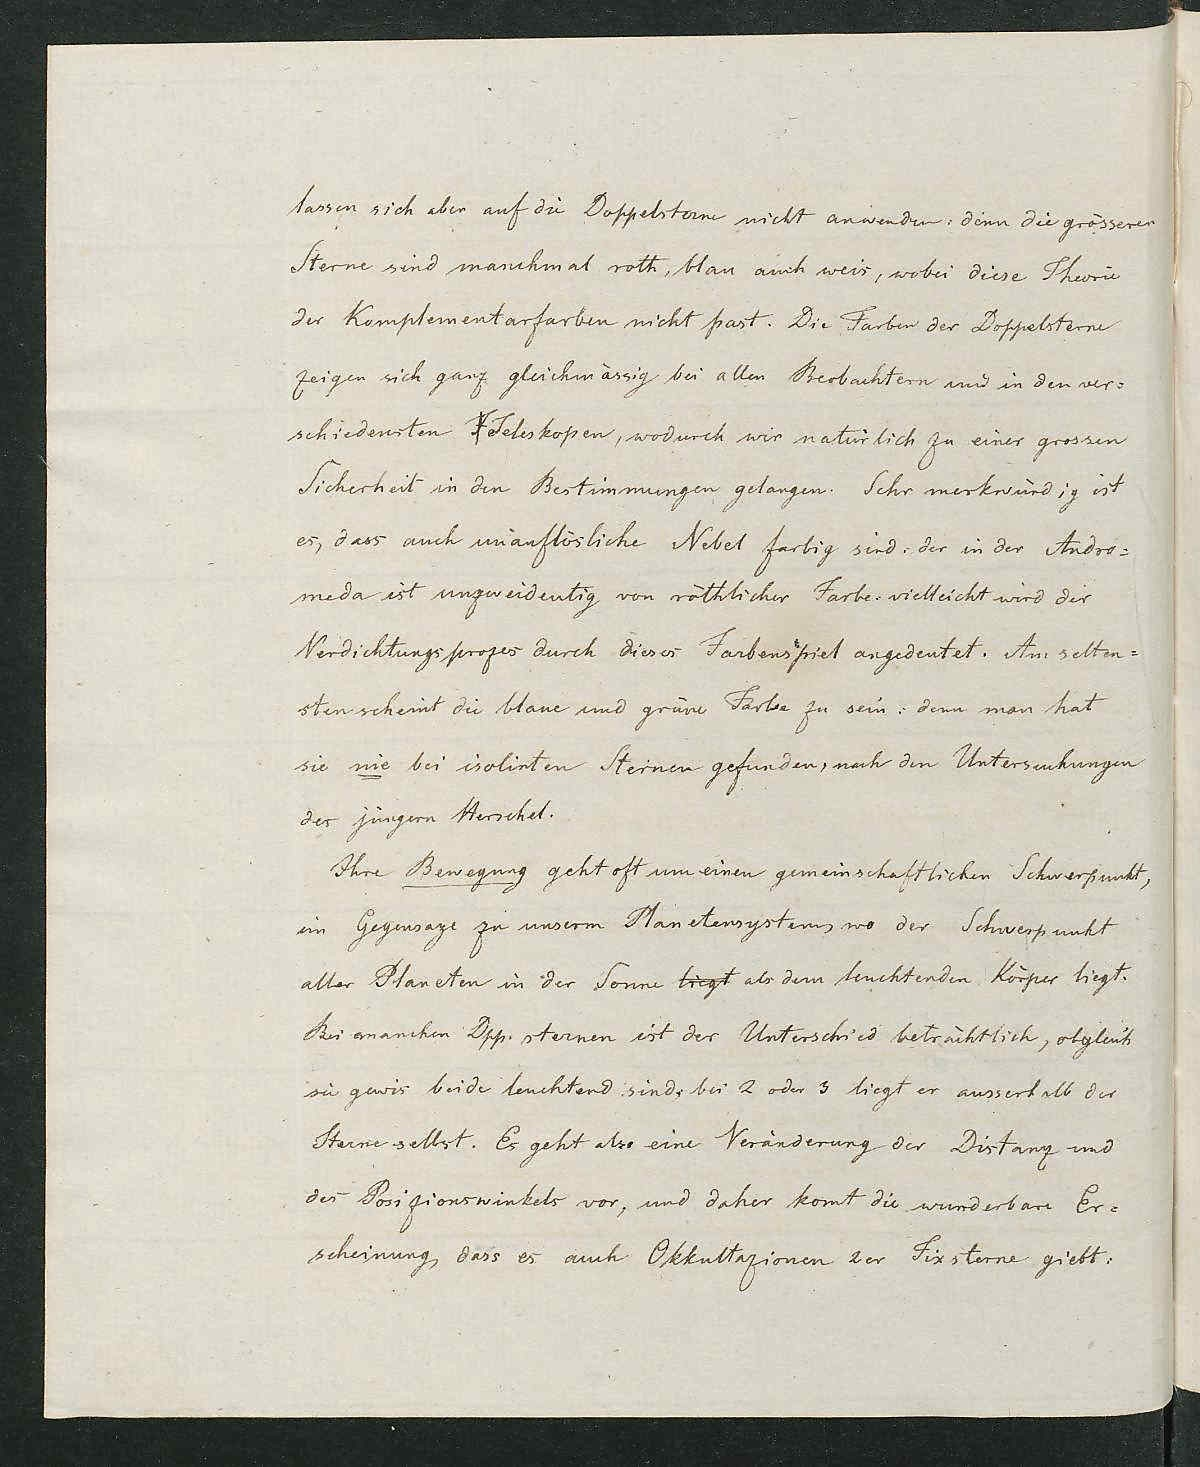lassen sich aber auf die Doppelsterne nicht anwenden: denn die grösseren
Sterne sind manchmal roth, blau auch weis, wobei diese Theorie
der Komplementarfarben nicht past. Die Farben der Doppelsterne
zeigen sich ganz gleichmässig bei allen Beobachtern und in den ver-
schiedensten FTeleskopen, wodurch wir natürlich zu einer grossen
Sicherheit in den Bestimmungen gelangen. Sehr merkwürdig ist
es, dass auch unauflösliche Nebel farbig sind: der in der Andro-
meda ist unzweideutig von röthlicher Farbe: vielleicht wird der
Verdichtungsprozes durch dieses Farbenspiel angedeutet. Am selten-
sten scheint die blaue und grüne Farbe zu sein: denn man hat
sie nie bei isolirten Sternen gefunden, nach den Untersuchungen
des jüngern Herschel.
Ihre Bewegung geht oft um einen gemeinschaftlichen Schwerpunkt,
im Gegensaze zu unserm Planetensystem, wo der Schwerpunkt
aller Planeten in der Sonne liegt als dem leuchtenden Körper liegt.
Bei manchen Dpp.sternen ist der Unterschied beträchtlich, obgleich
sie gewis beide leuchtend sind: bei 2 oder 3 liegt er ausserhalb der
Sterne selbst. Es geht also eine Veränderung der Distanz und
des Positionswinkels vor, und daher komt die wunderbare Er-
scheinung, dass es auch Okkultazionen 2er Fixsterne giebt: